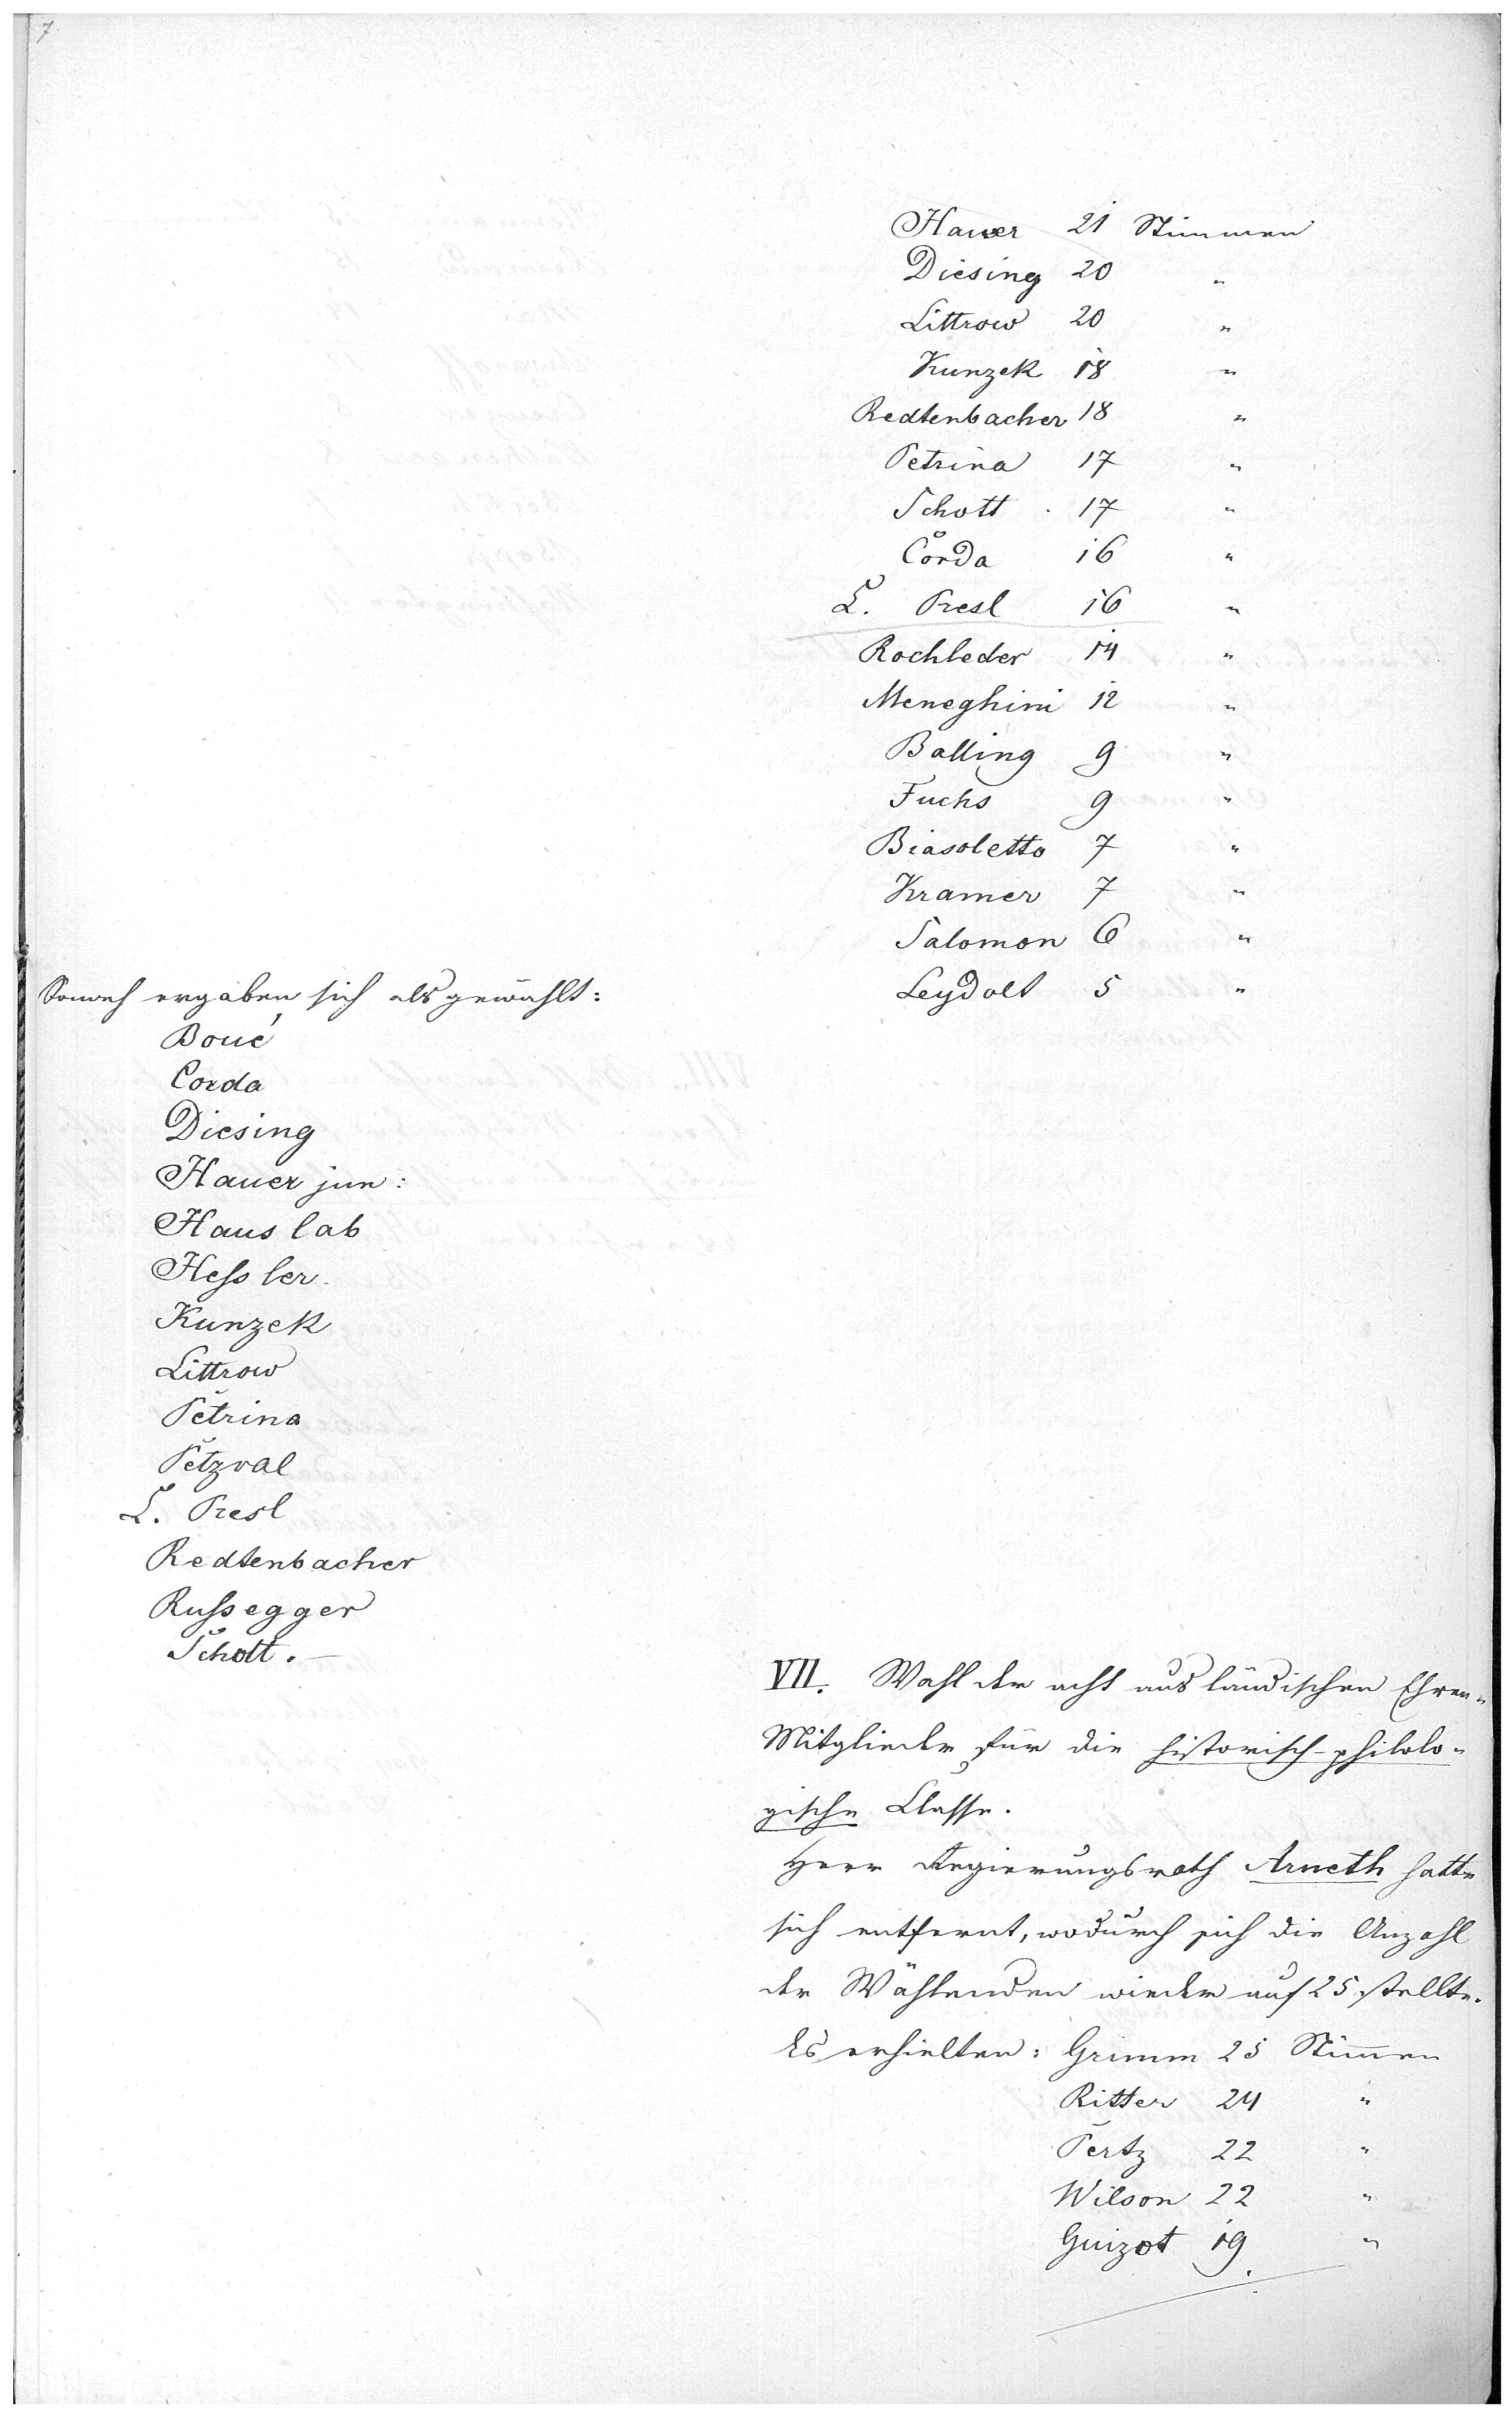Hauer 21 Stimmen
Diesing 20 "
Littrow 20 "
Kunzek 18 "
Redtenbacher 18 "
Petrina 17 "
Schott 17 "
Corda 16 "
L. Presl 16 "
Rochleder 14 "
Meneghini 12 "
Balling 9 "
Fuchs 9 "
Biasoletta 7 "
Kramer 7 "
Salomon 6 "
Leydolt 5 "
Sonach ergaben sich als gewählt:
Boué
Corda
Diesing
Hauer jun:
Hauslab
Hessler
Kunzel
Littrow
Petrina
Petzval
L. Presl
Redtenbacher
Russegger
Schott
VII. Wahl der acht ausländischen Ehren-
Mitglieder für die hstorisch-philolo-
gische Classe.
Herr Regierungsrath Arneth hatte
sich entfernt, wodurch sich die Anzahl
der Wählenden wieder auf 25 stellte.
Es erhielten: Grimm 25 Stimmen
Ritter 24 "
Pertz 22 "
Wilson 22 "
Guizot 19 "